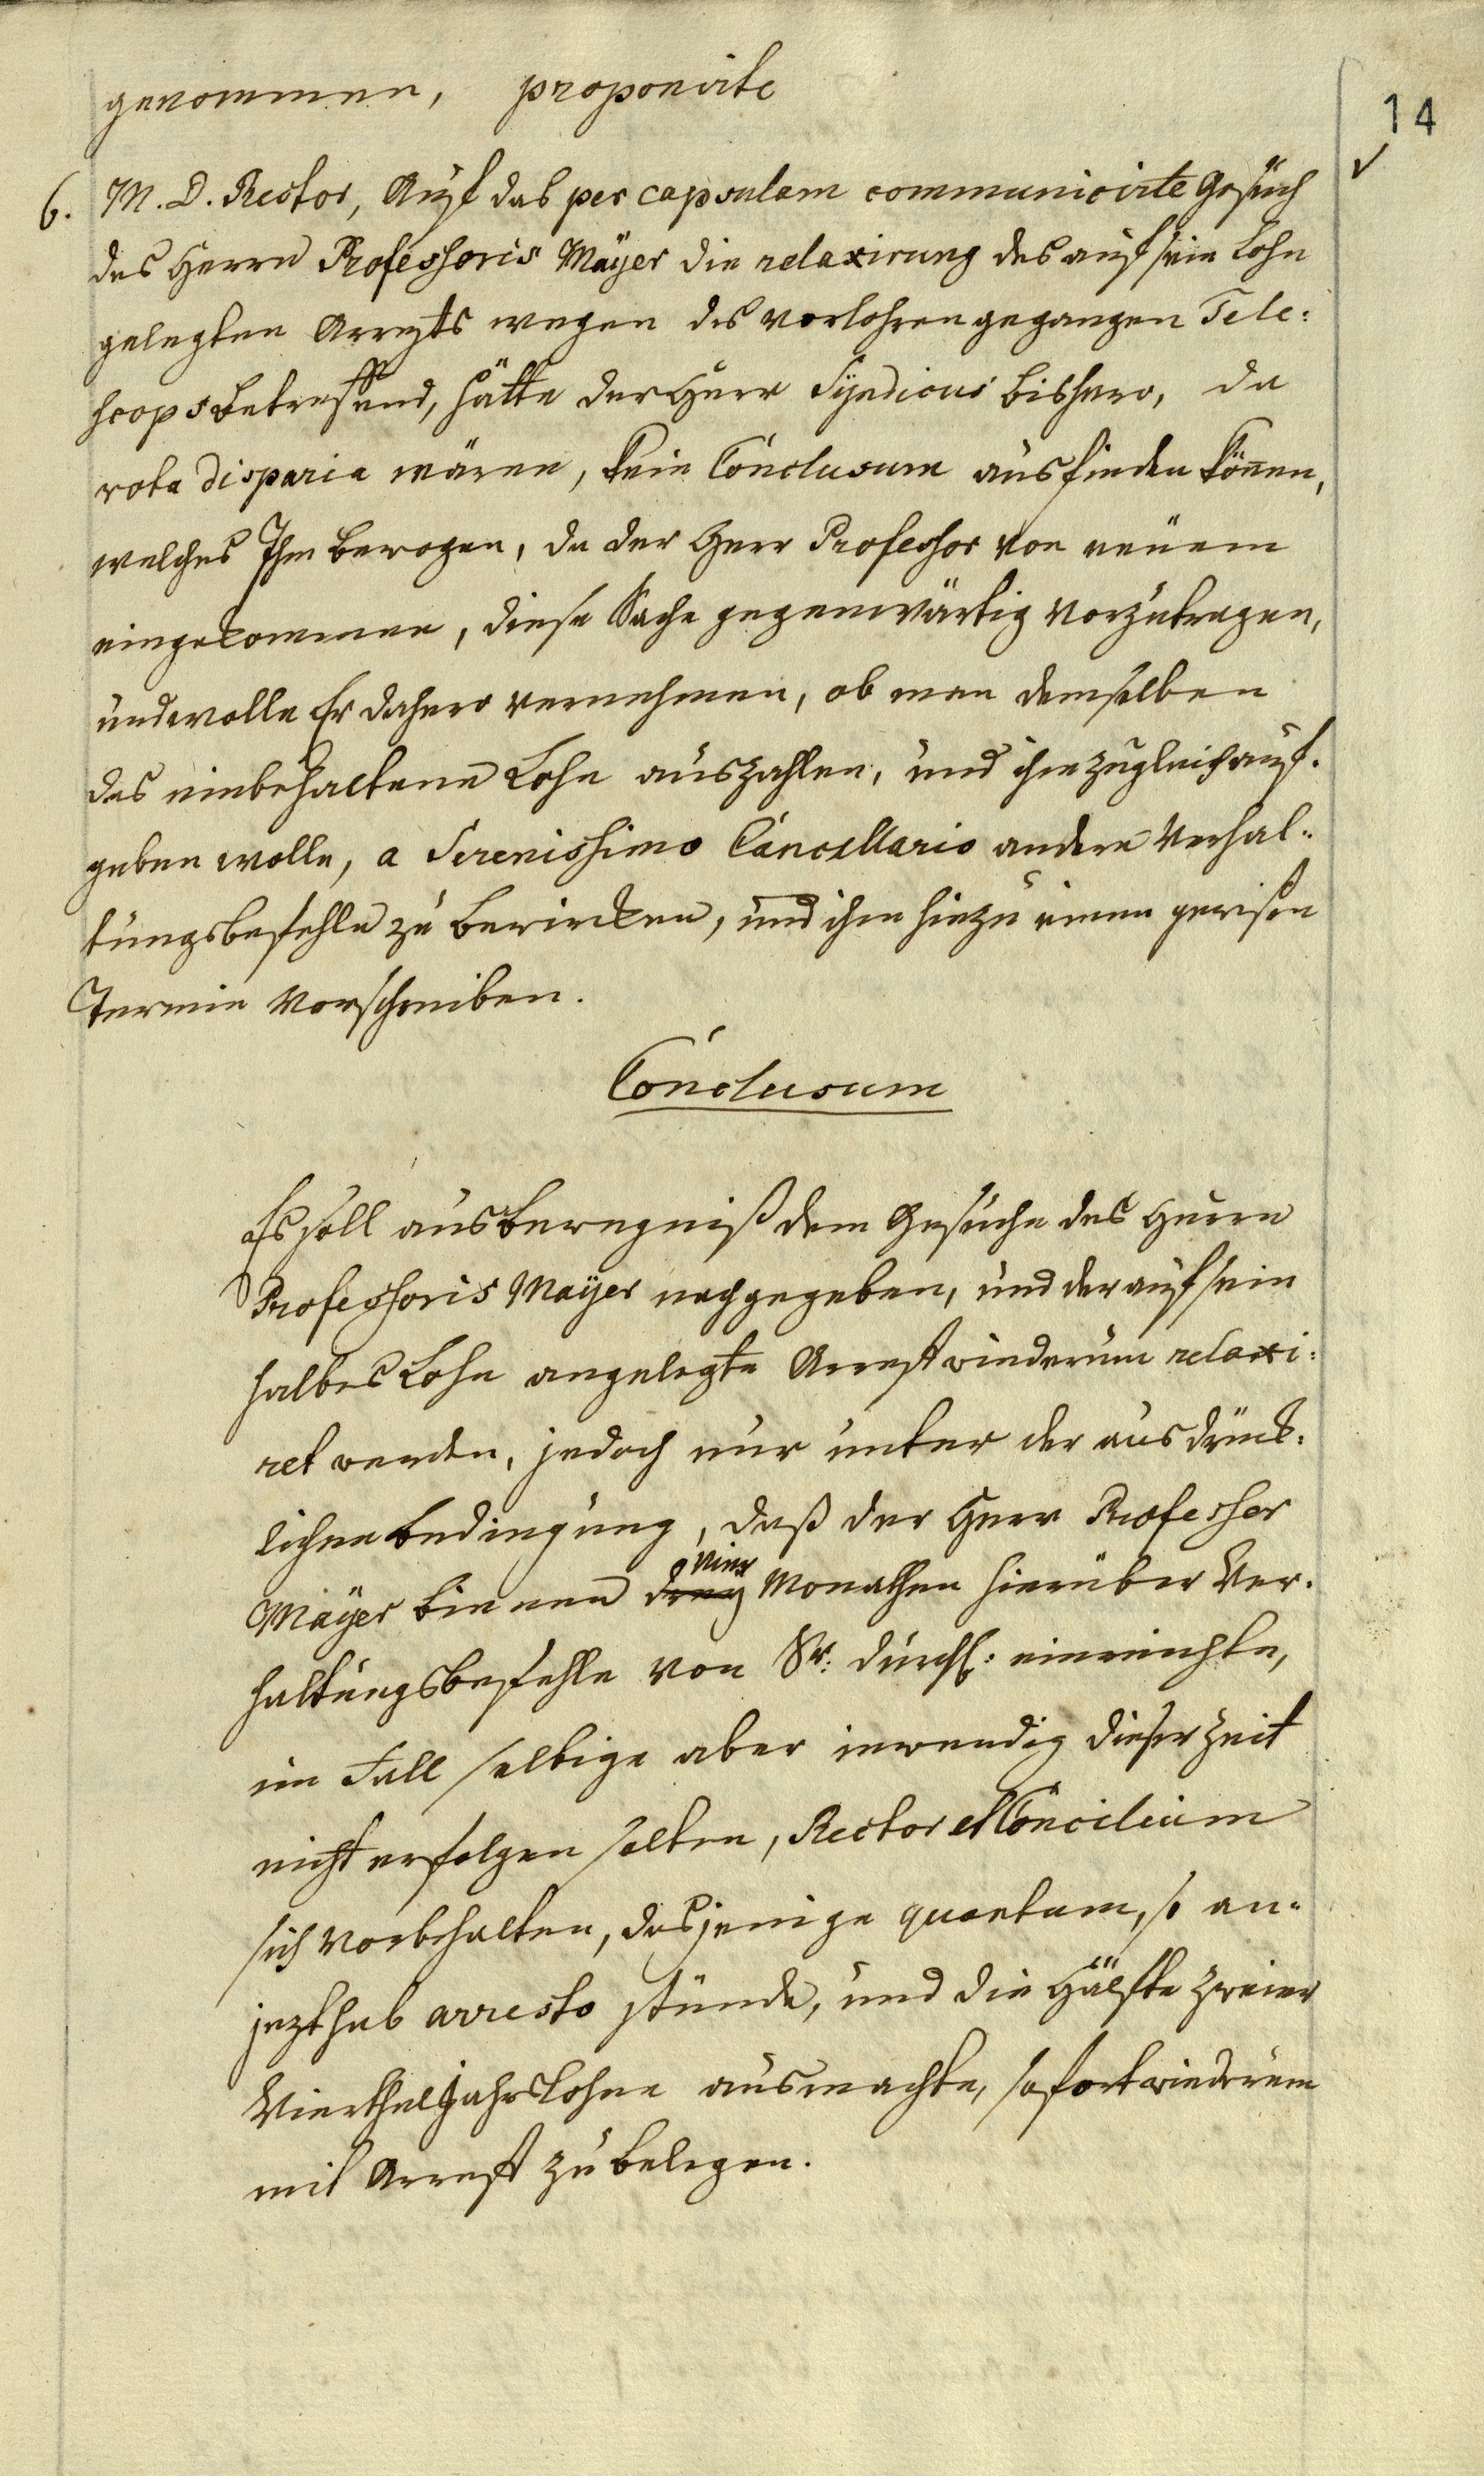genommen, proponirte
6. M. D. Rector, Auf das per capsulam communicirte Gesuch
des Herrn Professoris Maÿer die relaxirung des auf sein Lohn
gelegten Arrests wegen des verlohren gegangenTele¬
scops betreffend, hätte der Herr Sÿndicus bishero , da
vota disparia wären, kein Conclusum ausfinden könen,
welches Ihm bewogen, da der Herr Professor von neuem
eingekommen, diese Sache gegenwärtig vorzutragen
und wolle Er daher vernehmen, ob man demselben
das einbehaltene Lohn auszahlen, und ihm zugleich auf¬
geben wolle, a Serenissimo Cancellario andere Verhal¬
tungsbefehle zu bewircken, und ihm hiezu einen gewißen
Termin vorschreiben.
Conclusum
Es soll aus Bewegniß dem Gesuche des Herrn
Professoris Maÿer nachgegeben, und der auf sein
halbes Lohn angelegte Arrest wiederum relaxi¬
ret werden, jedoch nur unter der ausdrück¬
lichen Bedingung , daß der Herr Professor
Maÿer binnen dreÿ vier Monathen hierüber Ver¬
haltungsbefehle von Sr. Durchl. einreichte,
im Fall selbige aber inwendig dieser Zeit
nicht erfolgen solten, Rector et Concilium
sich vorbehalten, dasjenige quantum, so an¬
jezt sub arresto stünde, und die Hälfte zweier
Viertheljahreslohn ausmachte, sofort wiederum
mit Arrest zu belegen.